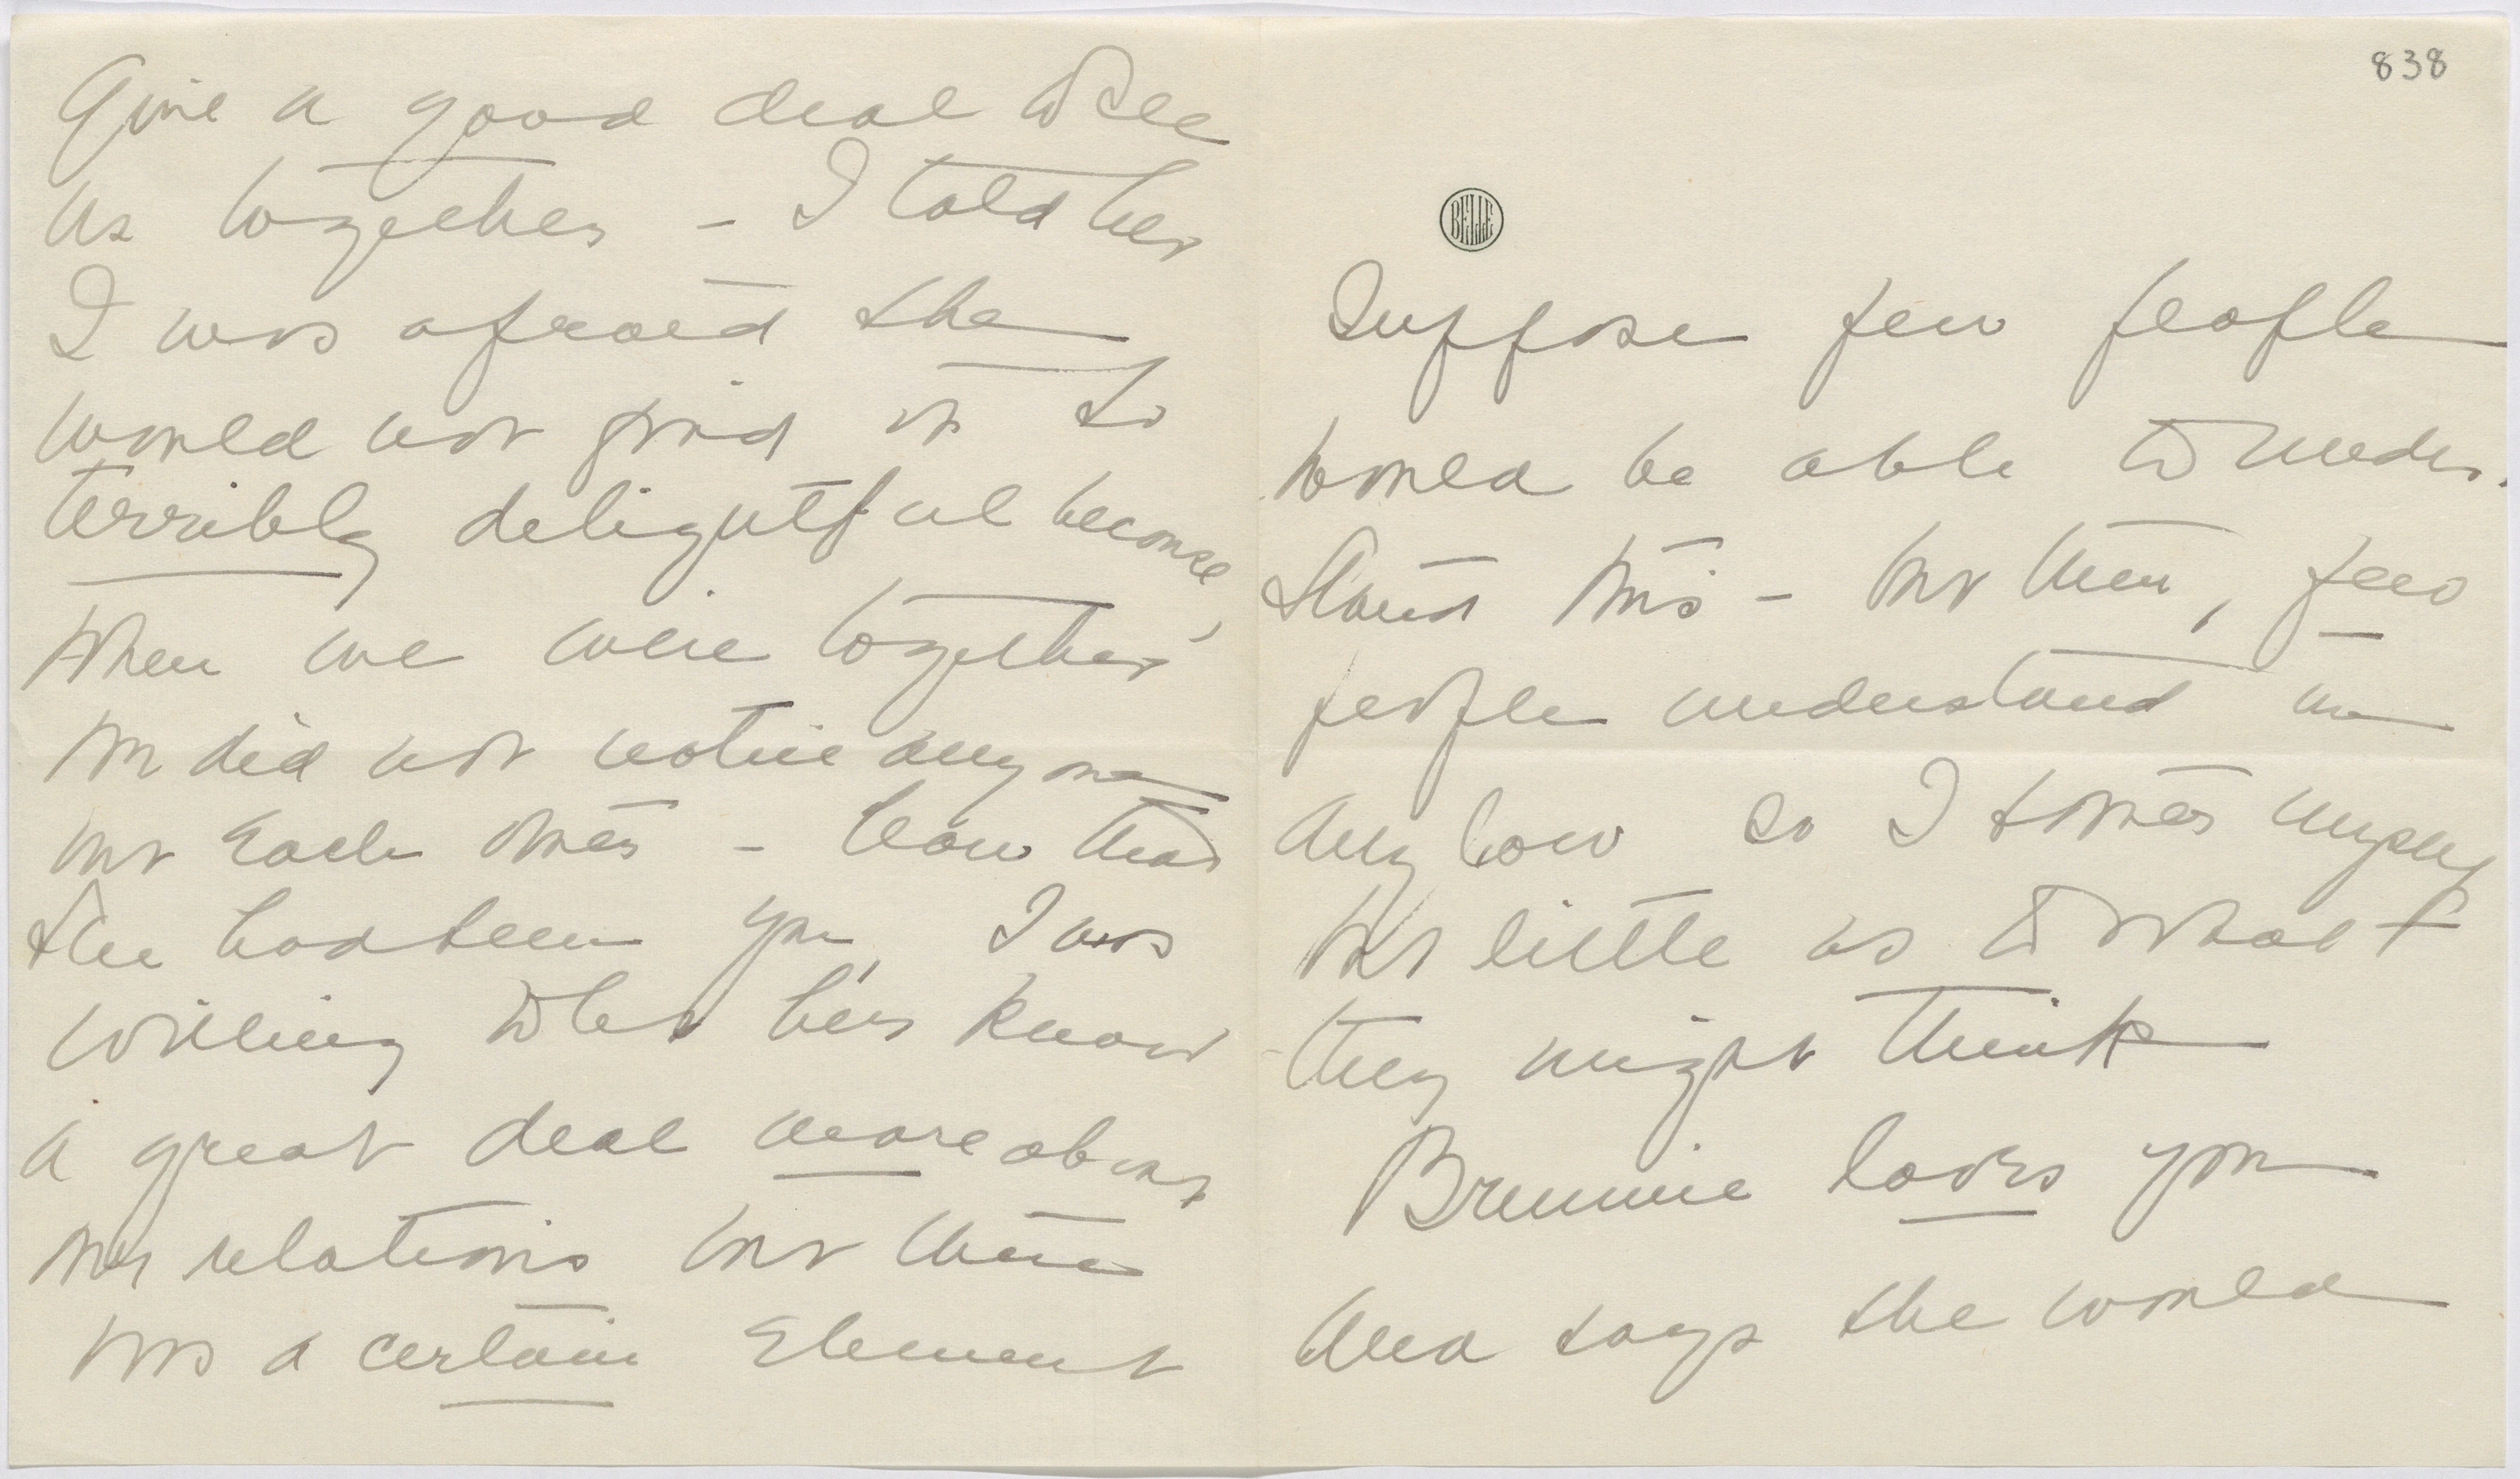suppose few people would be able to understand this – but then, few people understand me any how so I bother myself but little as to what they might think –
Brunnie loves you and says she would
give a good deal to see us together – I told her I was afraid she would not find it so terribly delightful because, when we were together we did not notice any one but each other – Now that she had seen you, I was willing to let her know a great deal more about our relations but there was a certain element